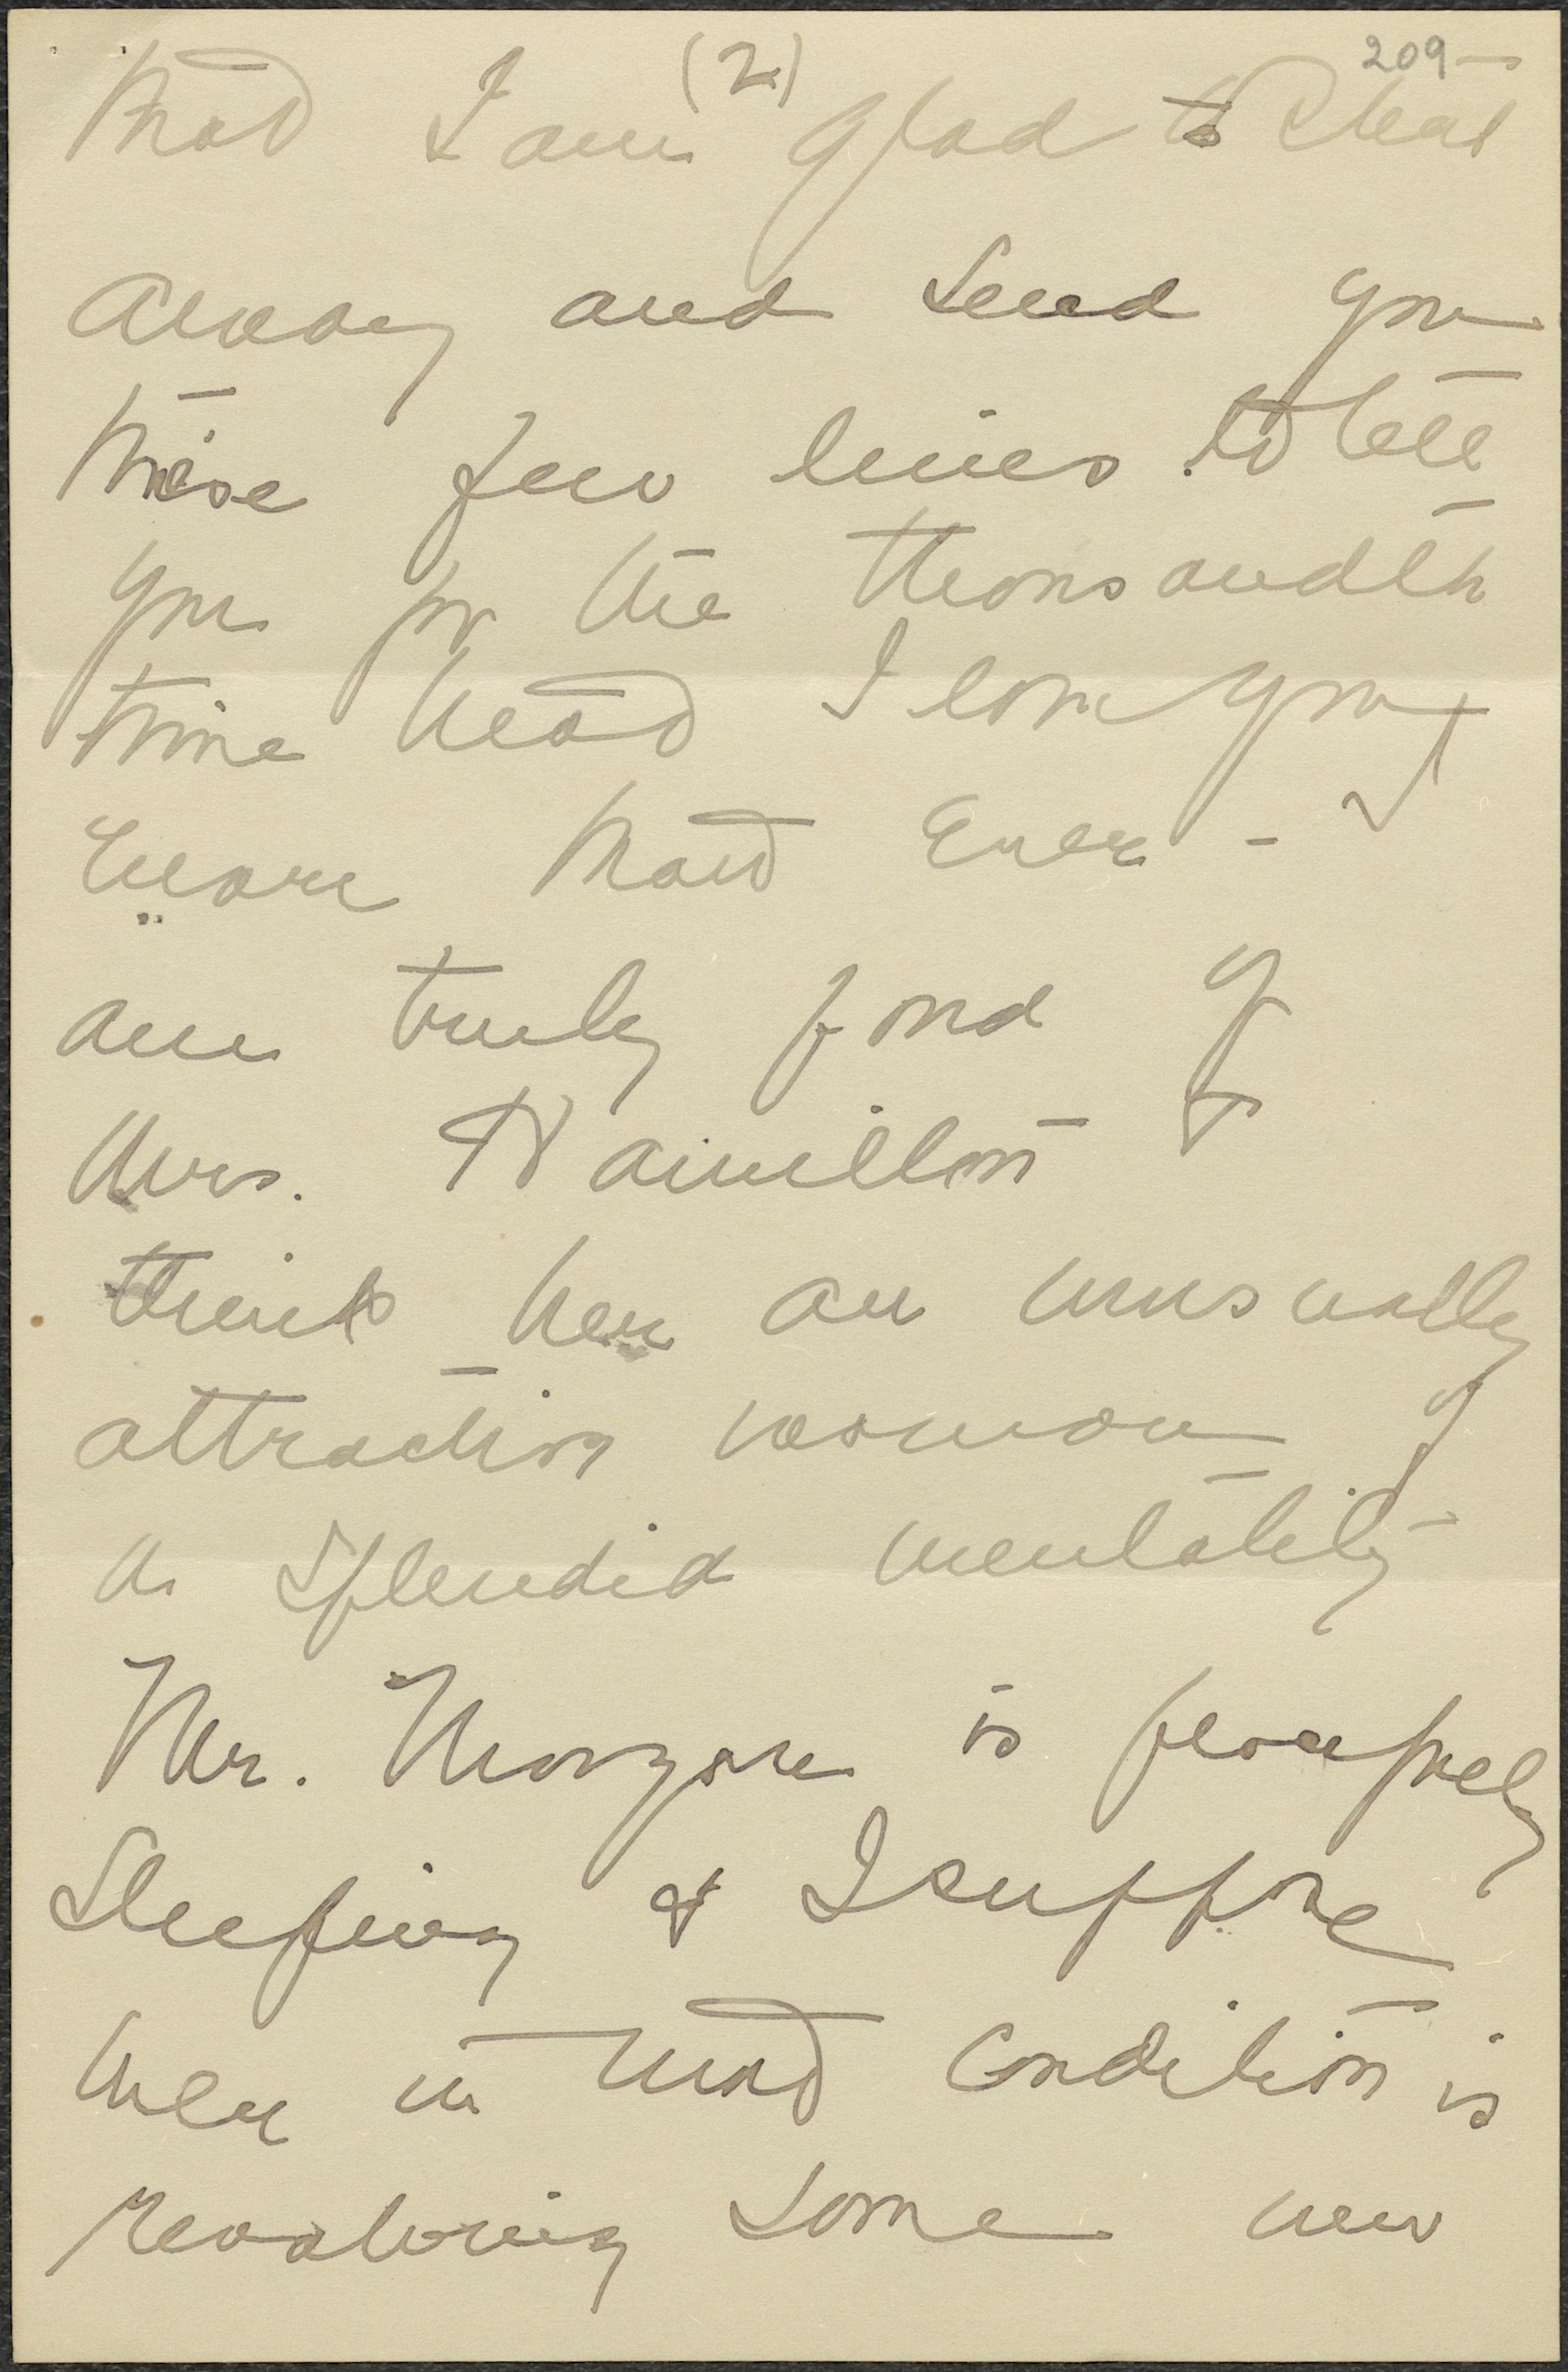(2)
that I am glad to steal away and send you these few lines to tell you for the thousandth time that I love you more than ever – I am truly fond of Mrs. Hamilton & think her an unusually attractive woman of a splendid mentality
Mr. Morgan is peacefully sleeping & I suppose when in that condition is revolving some new